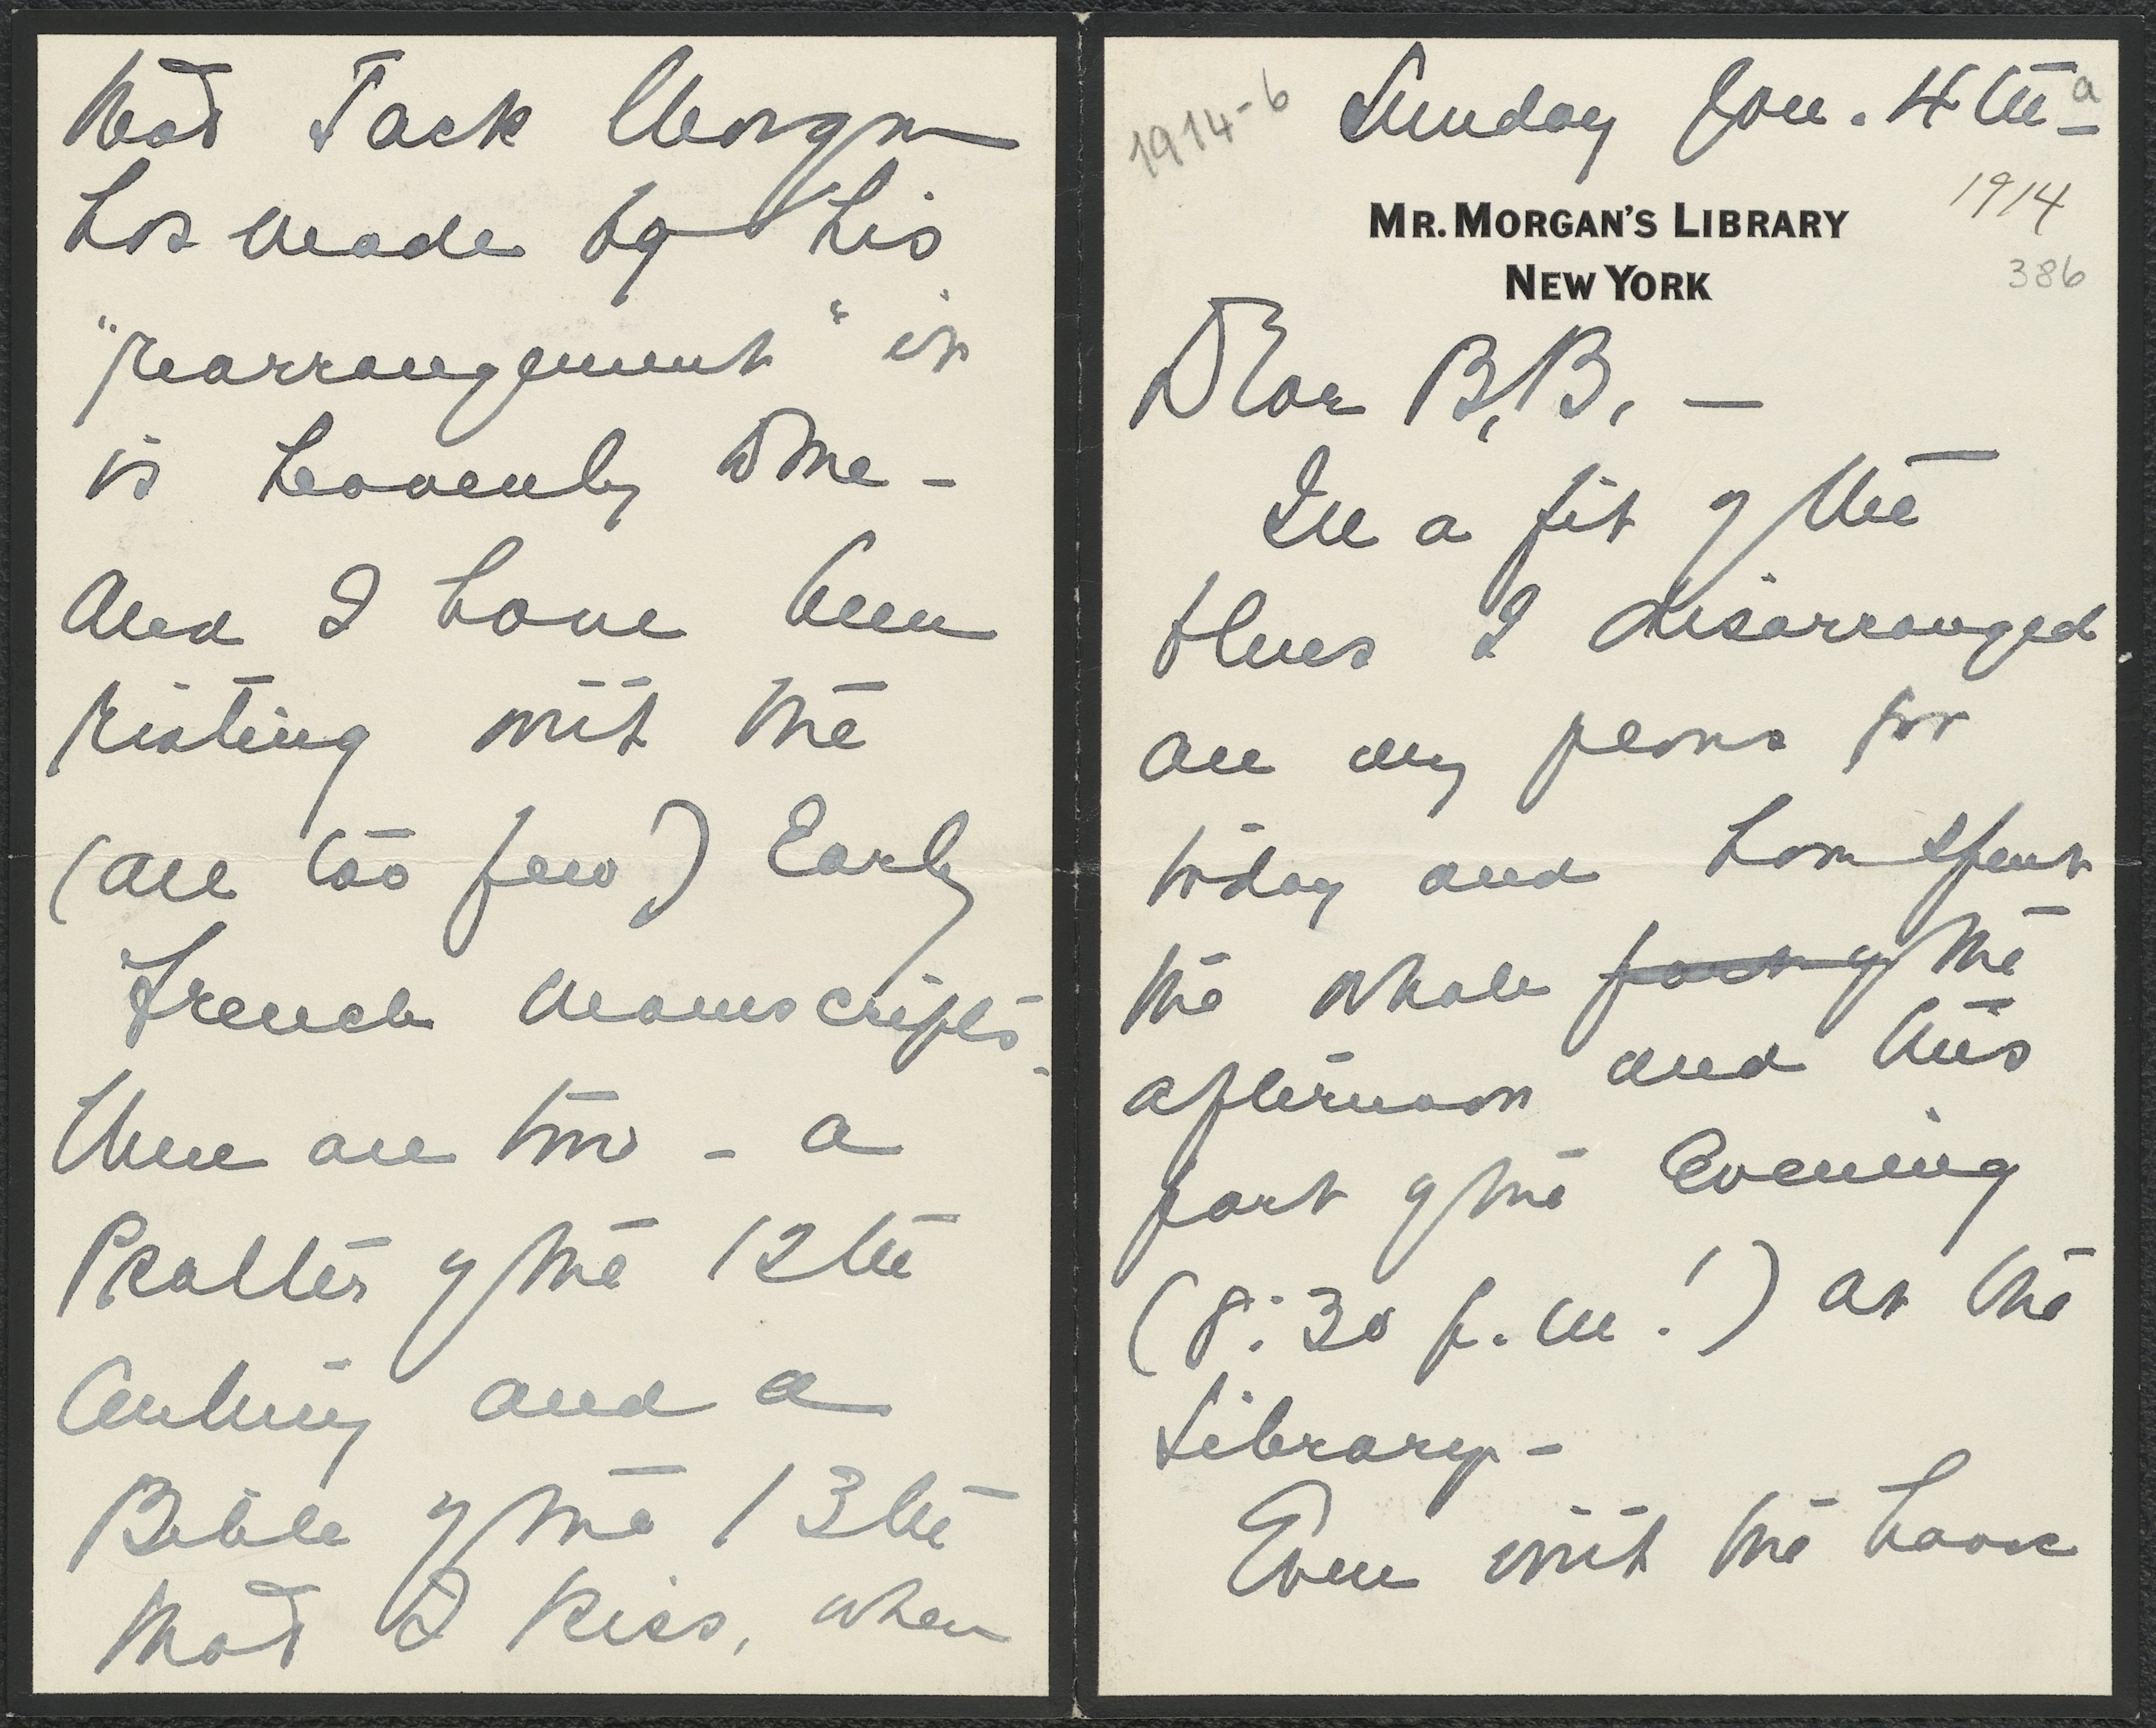Sunday Jan 4th –
Dear B.B. –
In a fit of the blues I disarranged all my plans for today and have spent the whole part of the afternoon and this part of the evening (8:30 p.m.!) at the Library –
Even with the havoc
that Jack Morgan has made by his “rearrangement” it is heavenly to me –
And I have been rioting with the (all too few) Early French manuscripts – there are two – a Psalter of the 12th century and a Bible of the 13th that I kiss, when